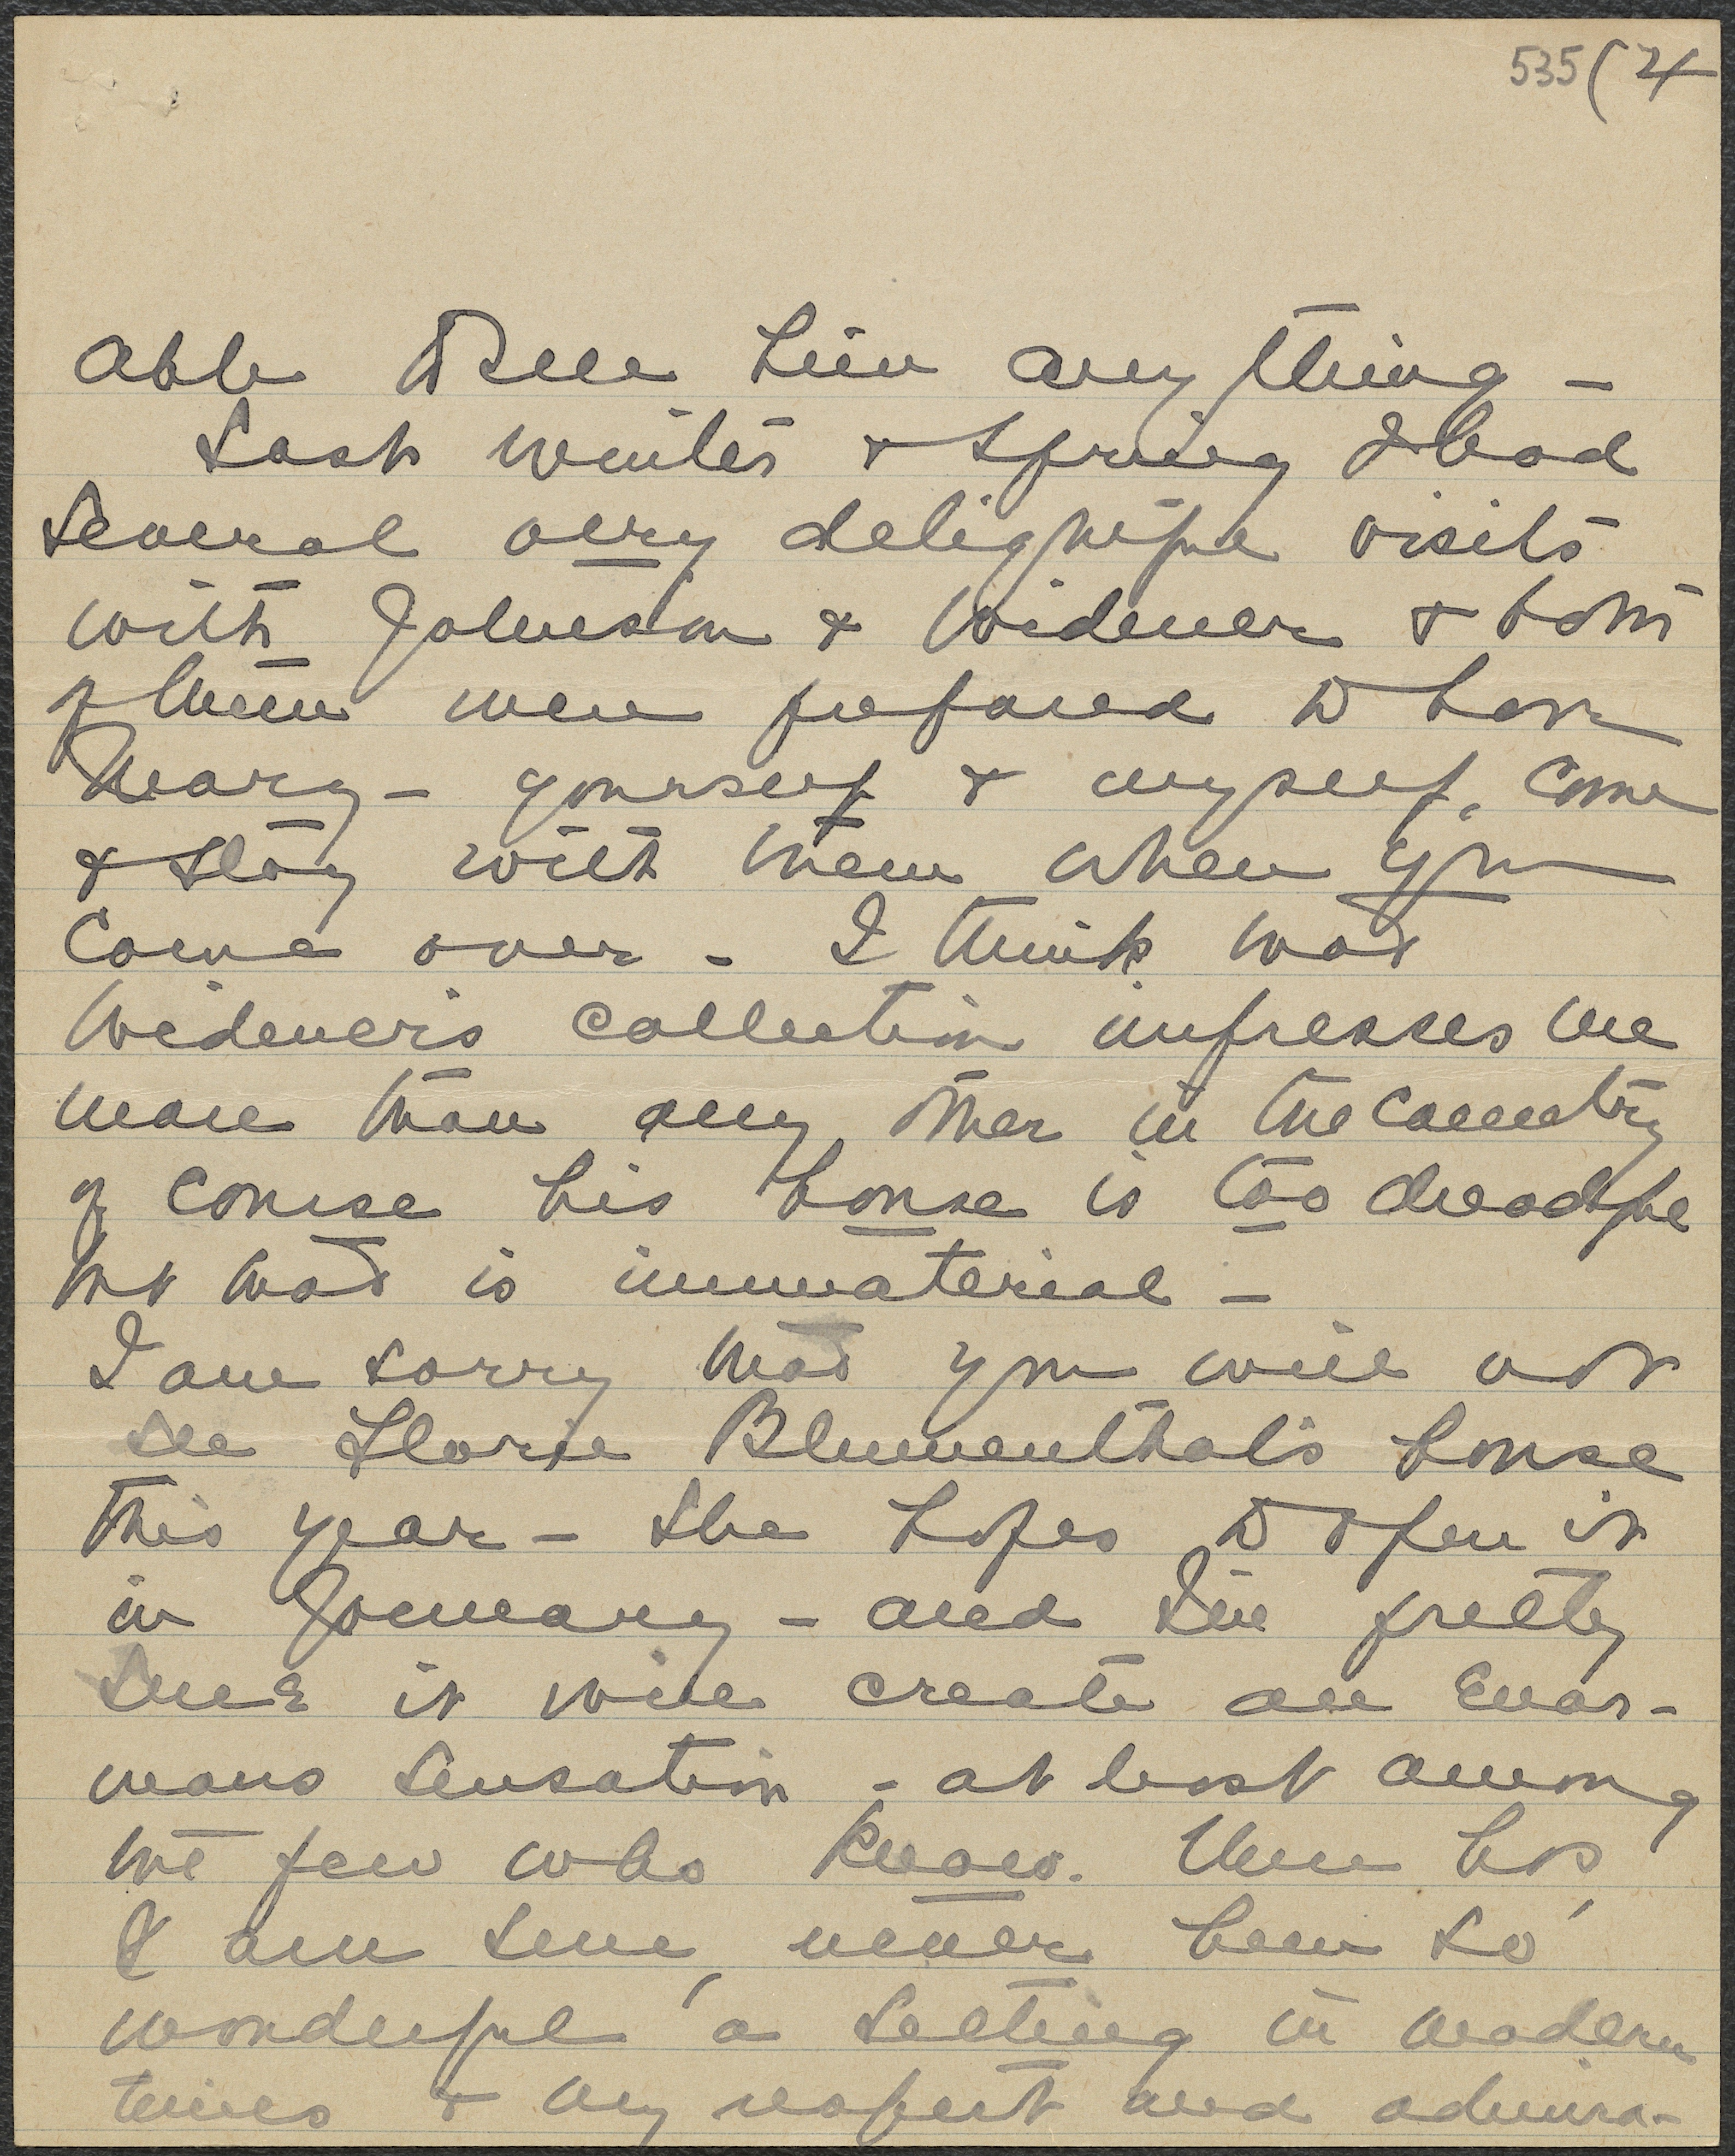able to sell him everything – Last winter & spring I had several very delightful visits with Johnson & Widener & both of them were prepared to have Mary – yourself & myself, come & stay with them when you came over – I think that Widener’s collection impresses me more than my other in the country of course his house is too dreadful but that is immaterial –
I am sorry that you will not see Florrie Blumenthal’s house this year – She hopes to open it in January – and I’m pretty sure it will create an enormous sensation – at least among the few who know. There has, I am sure, never been so wonderful a setting in modern times & my respect and